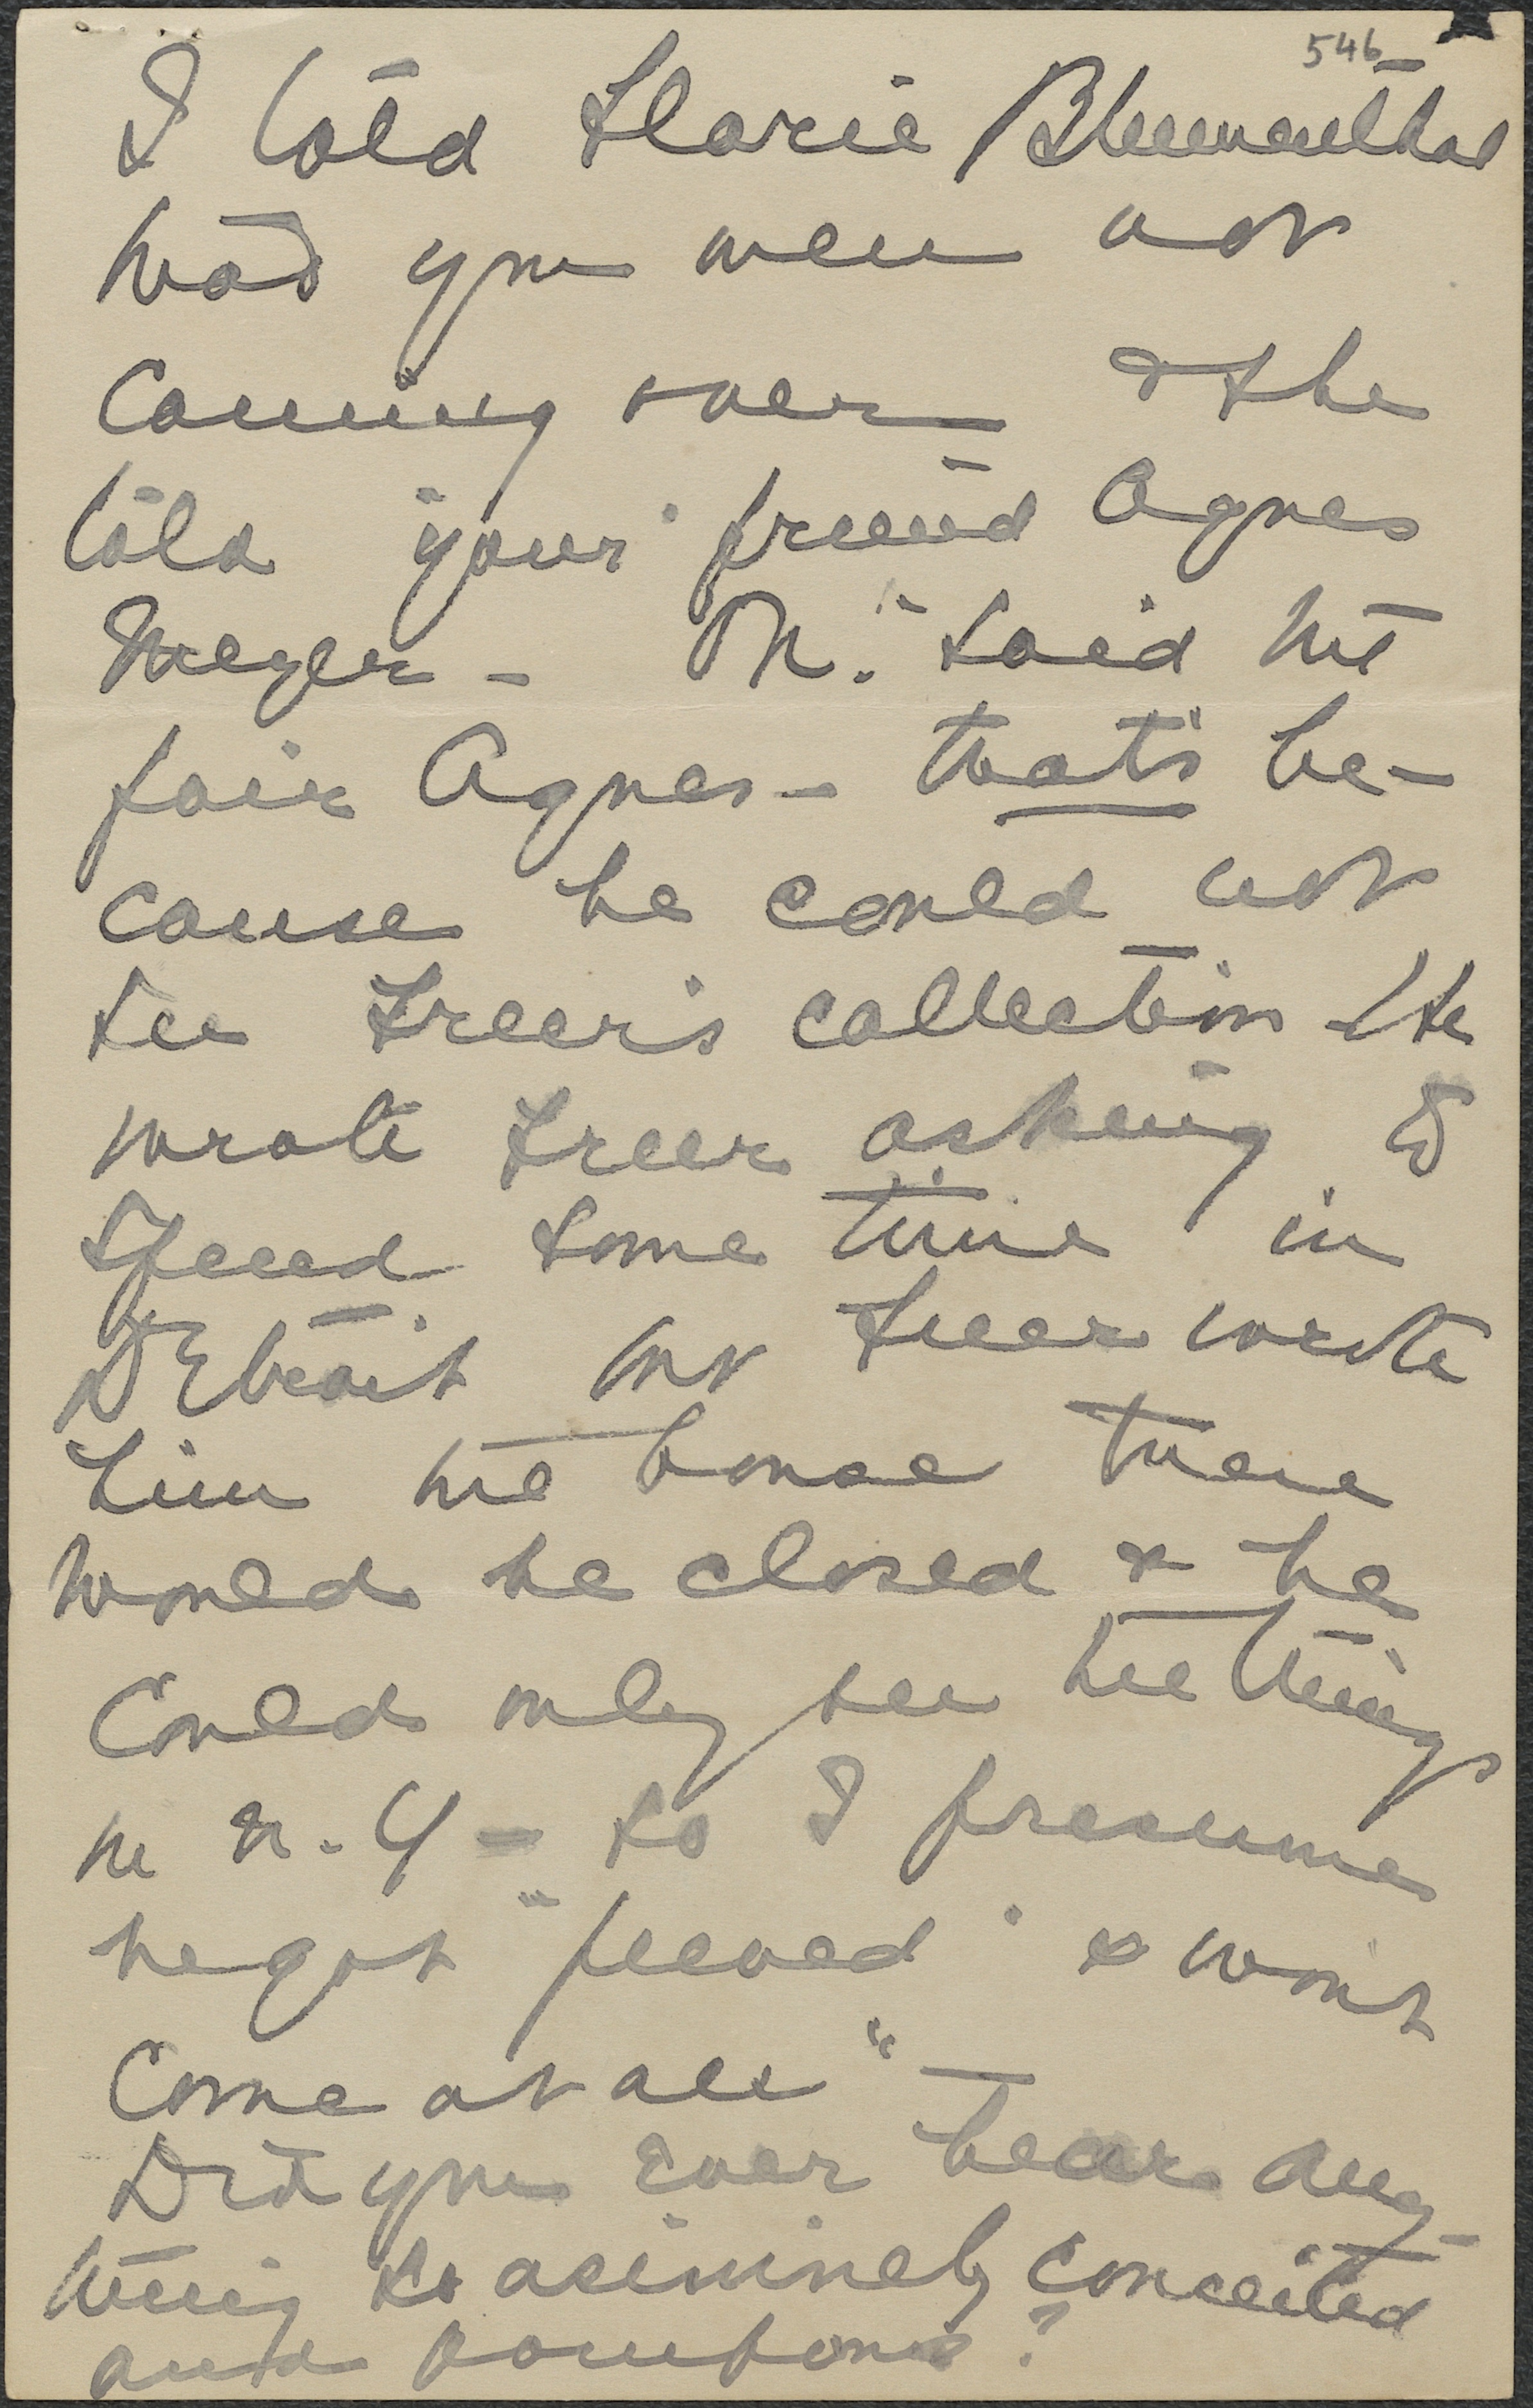I told Florie Blumenthal that you were not coming over & she told you friend Agnes Meyer – OK. said the fair Agnes – that’s because he could not see Freer’s collection. He wrote Freer asking to spend some time in Detroit but Freer wrote him the house there would be closed & he could only see the things in N. Y – so I presume he got “peeved” & won’t come at all” –
Did you ever hear anything so asininely conceited and pompous?